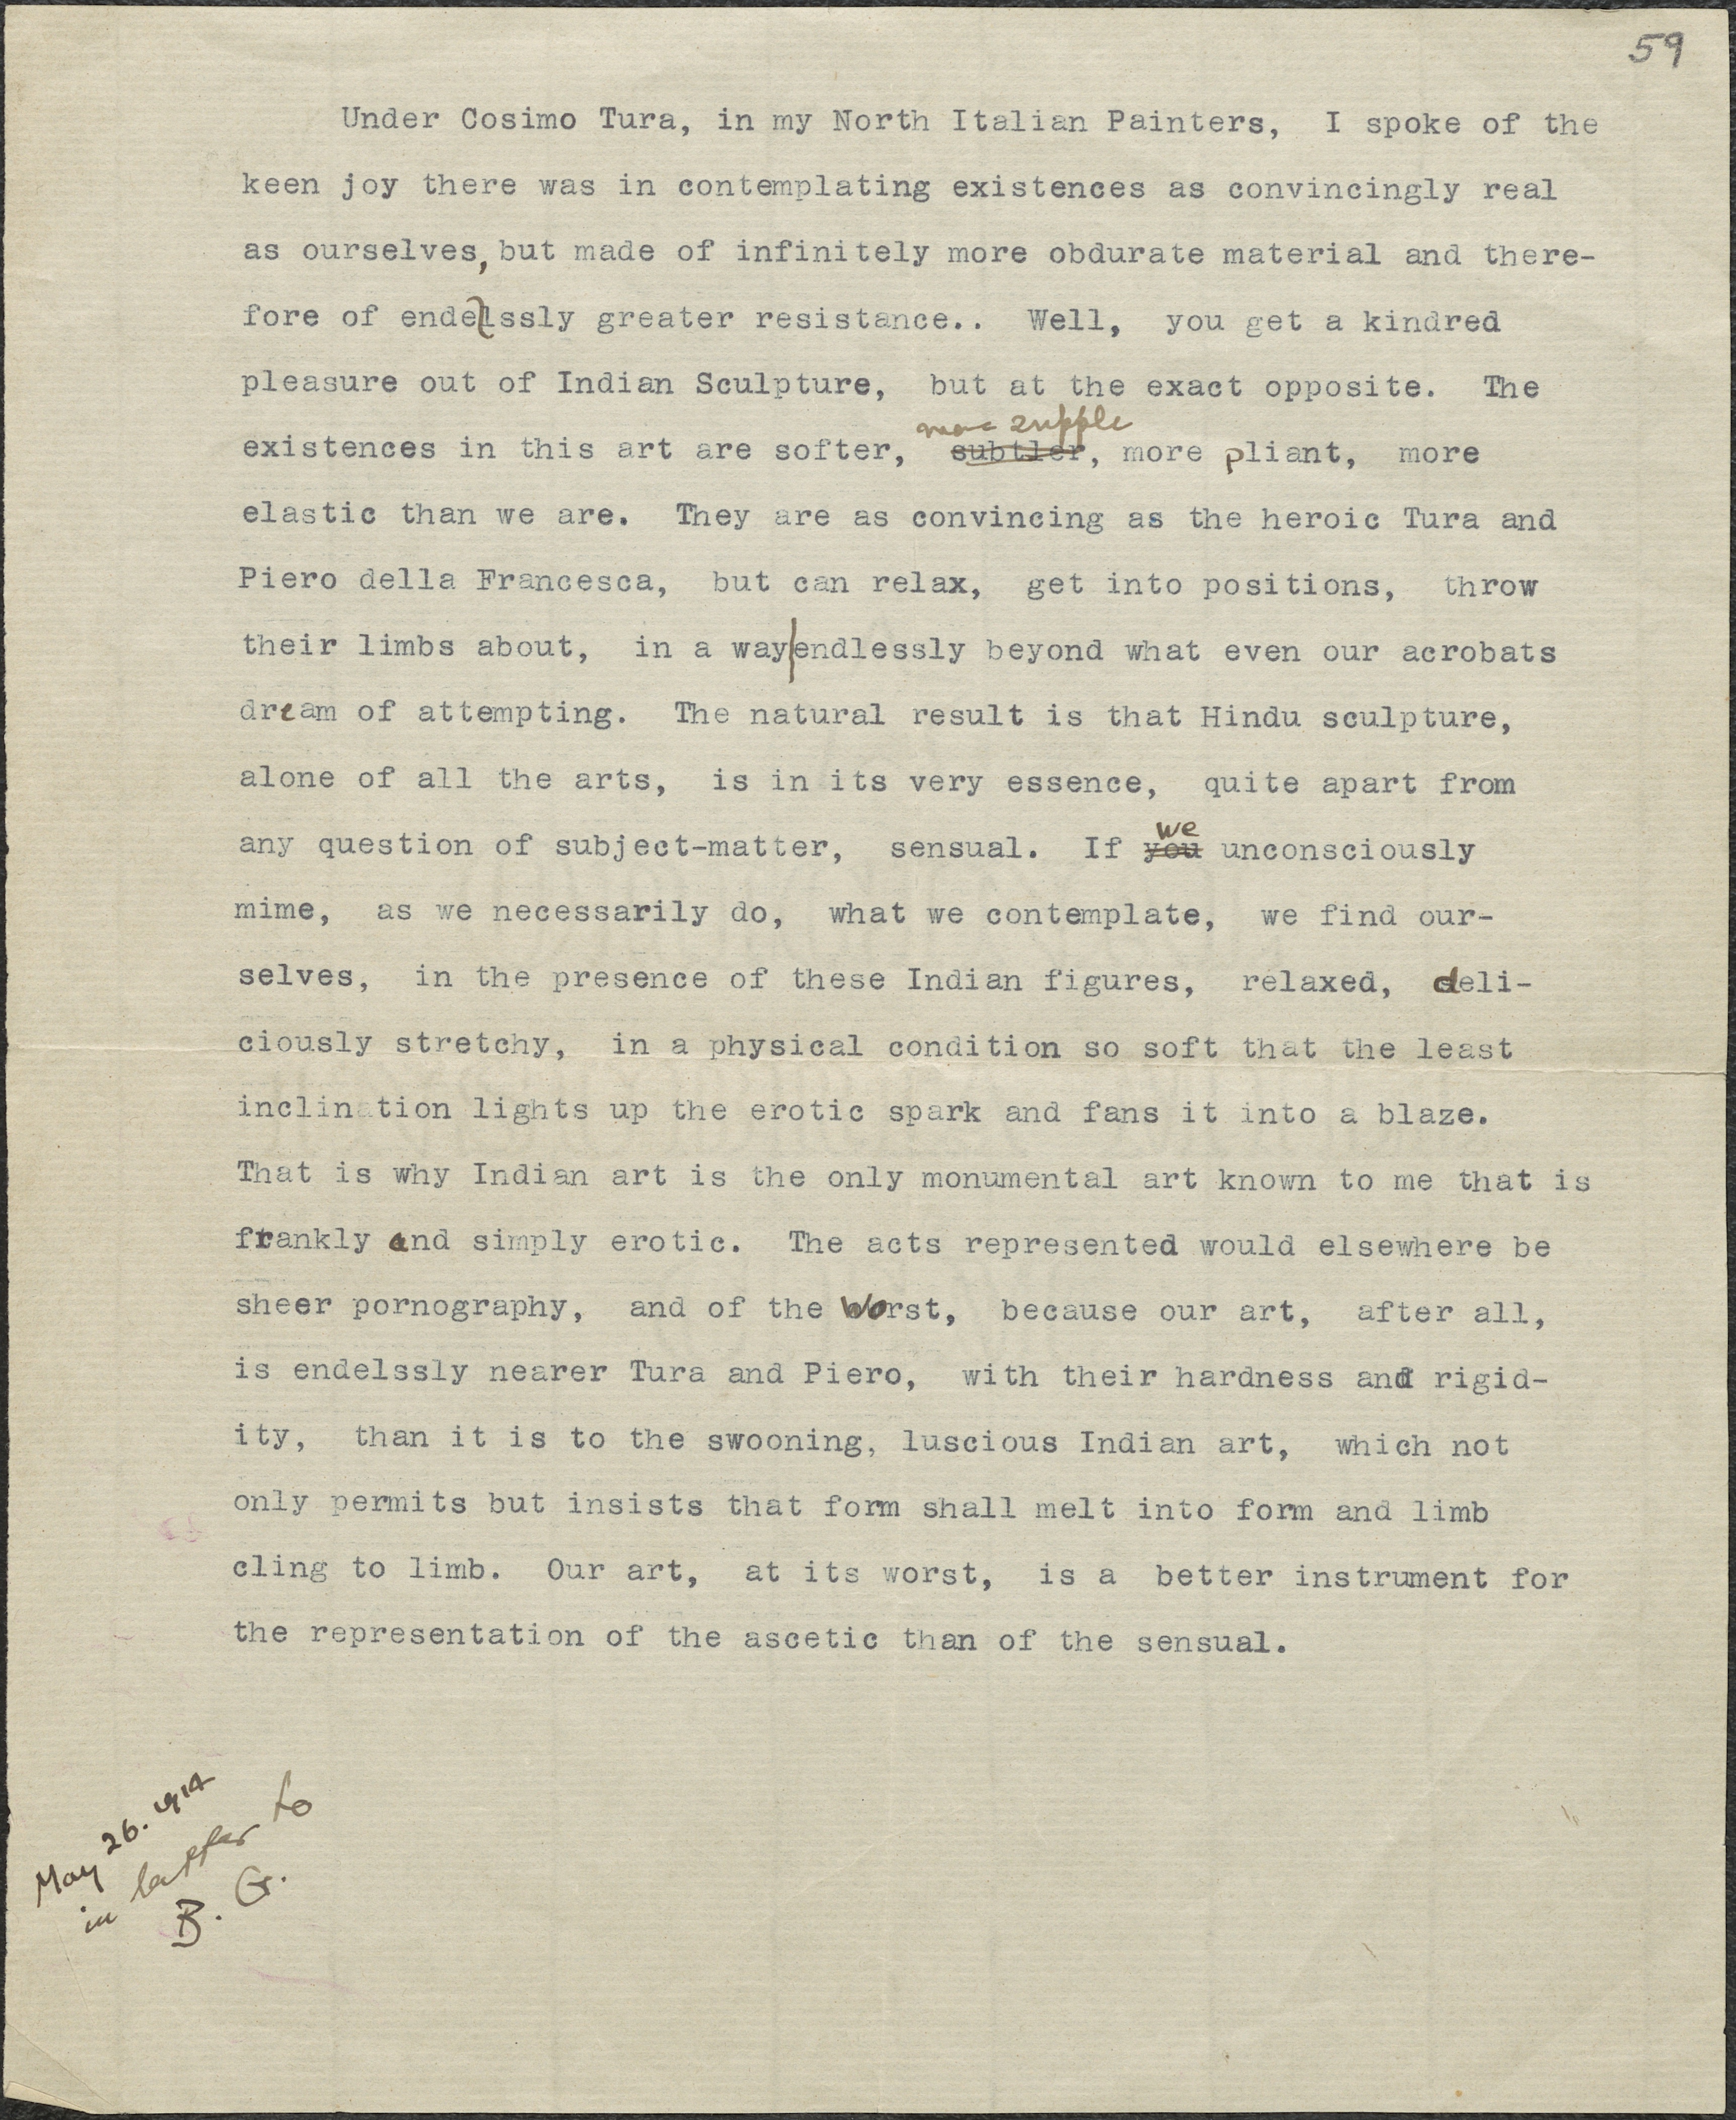Under Cosimo Tura, in my North Italian Painters, I spoke of the keen joy there was in contemplating existences as convincingly real as ourselves, but made of infinitely more obdurate material and therefore of endlessly greater resistance … Well, you get a kindred pleasure out of Indian Sculpture, but at the exact opposite. The existences in this art are softer, subtler [^more supple^], more pliant, more elastic than we are. They are as convincing as the heroic Tura and Piero della Francesca, but can relax, get into positions, throw their limbs about, in a way endlessly beyond what even our acrobats dream of attempting. The natural result is that Hindu sculpture, alone of all the arts, is in its very essence, quite apart from any question of subject-matter, sensual. If you [^we^] unconsciously mime, as we necessarily do, what we contemplate, we find ourselves, in the presence of these Indian figures, relaxed, deliciously stretchy, in a physical condition so soft that the least inclination lights up the erotic spark and fans it into a blaze. That is why Indian art is the only monumental art known to me that is frankly and simply erotic. The sets represented would elsewhere be sheer pornography, and of the worst, because our art, after all, is endlessly nearer Tura and Piero, with their hardness and rigidity, than it is to the swooning, luscious Indian art, which not only permits but insists that form shall melt into form and limb cling to limb. Our art, at its worst, is a better instrument for the representation of the ascetic than of the sensual.